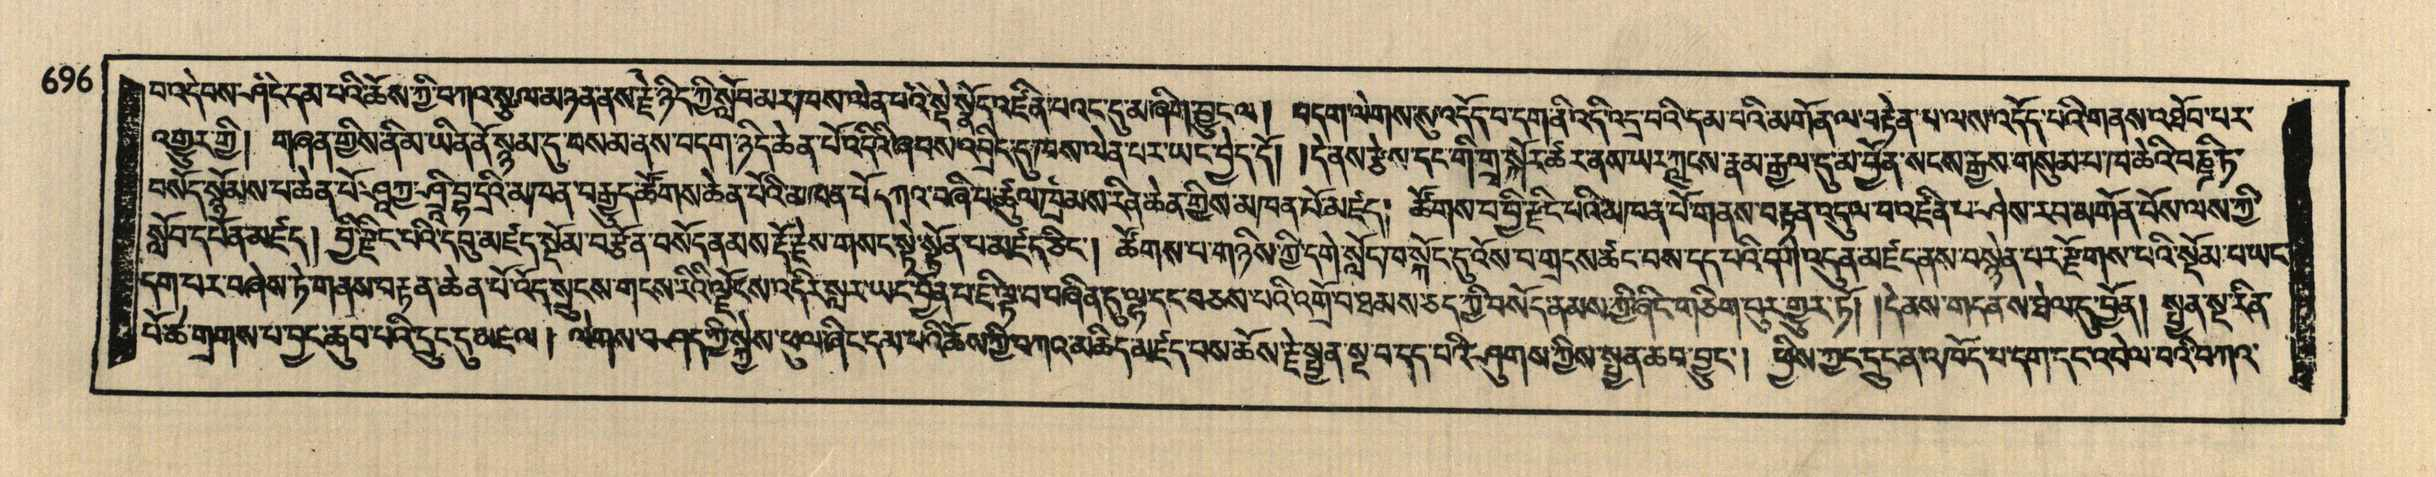བ་འདེབས་ཤིང་དམ་པའི་ཆོས་ཀྱི་བཀའ་སྩལ་མཉན་ནས་རྗེ་ཉིད་ཀྱི་སློབ་མར་ཁས་ལེན་པའི་སྡེ་སྣོད་འཛིན་པའང་དུ་མ་ཞིག་བྱུང་ལ། བདག་ལེགས་སུ་འདོད་པ་དག་ནི་འདི་འདྲ་བའི་དམ་པའི་མགོན་ལ་བརྟེན་པ་ལས་འདོད་པའི་གནས་འཐོབ་པར་
འགྱུར་གྱི། གཞན་གྱིས་ནི་མ་ཡིན་ནོ་སྙམ་དུ་བསམ་ནས་བདག་ཉིད་ཆེན་པོ་འདིའི་ཞབས་འབྲིང་དུ་ཁས་ལེན་པར་ཡང་བྱེད་དོ། །དེ་ནས་རྩེས་དང་གི་གྲྭ་སྐོར་ཚར་ནས་ཡར་ཀླུངས་རྣམ་རྒྱལ་དུ་མ་བྱོན་སངས་རྒྱས་གསུམ་པ་ཁ་ཆེའི་པཎྜི་ཏ་
བསོད་སྙོམས་པ་ཆེན་པོ་ཤཱཀྱ་ཤྲཱི་བྷ་དྲའི་མཁན་བརྒྱུད་ཚོགས་ཆེན་པོའི་མཁན་པོ་དཀའ་བཞི་པ་ཚུལ་ཁྲིམས་རིན་ཆེན་གྱིས་མཁན་པོ་མཛད། ཚོགས་པ་བྱི་རྫིང་པའི་མཁན་པོ་གནས་བརྟན་འདུལ་བ་འཛིན་པ་ཤེས་རབ་མགོན་པོས་ལས་ཀྱི་
སློབ་དཔོན་མཛད། བྱི་རྫིང་པའི་དབུ་མཛད་སྡོམ་བརྩོན་བསོད་ནམས་རྡོ་རྗེས་གསང་སྟེ་སྟོན་པ་མཛད་ཅིང་། ཚོགས་པ་གཉིས་ཀྱི་དགེ་སློང་ཁ་སྐོང་དུ་འོས་པ་གྲངས་ཚང་བས་དད་པའི་དགེ་འདུན་མཛད་ནས་བསྙེན་པར་རྫོགས་པའི་སྡོམ་པ་ཡང་
དག་པར་བཞེས་ཏེ་གནས་བརྟན་ཆེན་པོ་འོད་སྲུངས་གངས་རིའི་ལྗོངས་འདིར་སླར་ཡང་བྱོན་པ་ཇི་ལྟ་བ་བཞིན་དུ་ལྷ་དང་བཅས་པའི་འགྲོ་བ་ཐམས་ཅད་ཀྱི་བསོད་ནམས་ཀྱི་ཞིང་གཅིག་བུར་གྱུར་ཏོ། །དེ་ནས་གདན་ས་ཐེལ་དུ་བྱོན། སྤྱན་སྔ་རིན་
པོ་ཆེ་གྲགས་པ་བྱང་ཆུབ་པའི་དྲུང་དུ་མཇལ། ལེགས་བཤད་ཀྱི་སྐྱེས་ཕུལ་ཞིང་དམ་པའི་ཆོས་ཀྱི་བཀའ་མཆིད་མཛད་བས་ཆོས་རྗེ་སྤྱན་སྔ་བ་དད་པའི་ཤུགས་ཀྱིས་སྤྱན་ཆབ་བྱུང་། ཕྱིས་ཀྱང་དྲུང་ན་འཁོད་པ་དག་དང་འབེལ་བའི་བཀའ་